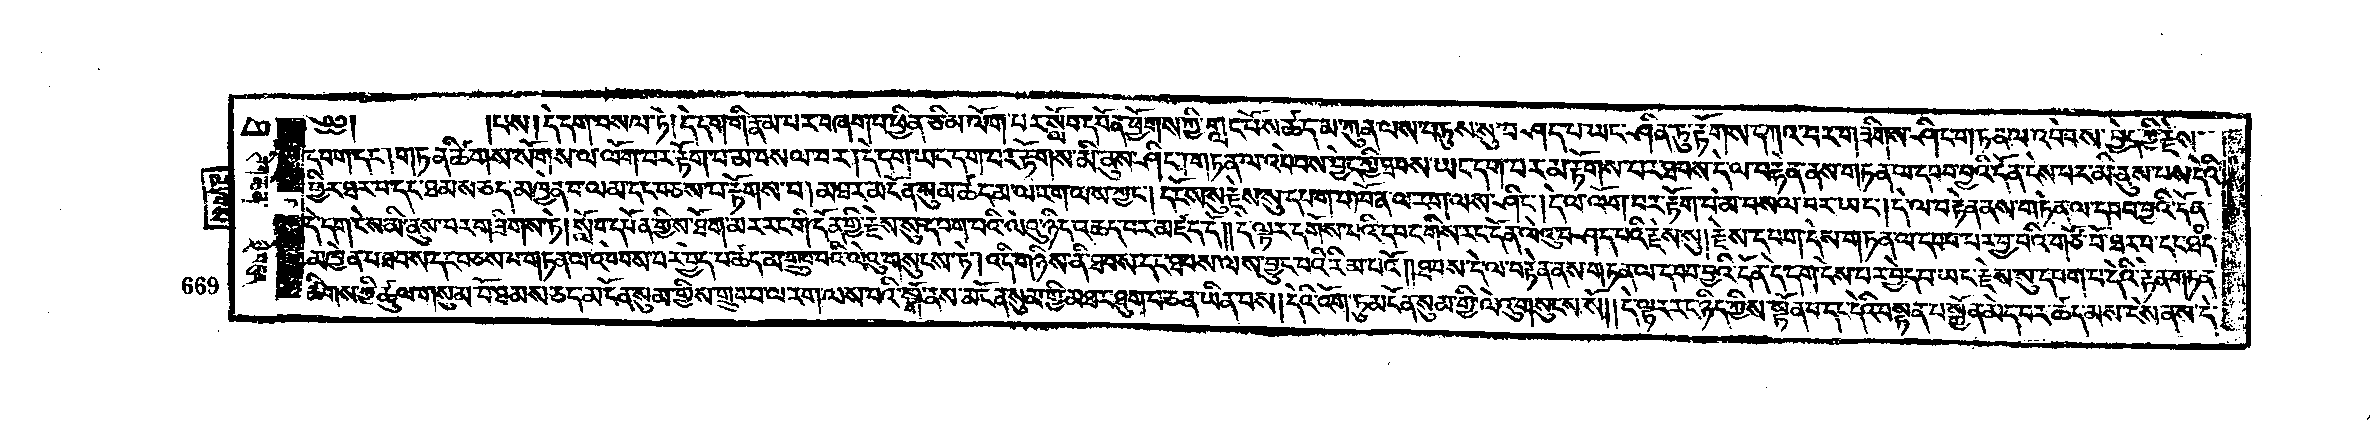༄༅། །པས། དེ་དག་བསལ་ཏེ། དེ་དག་གི་རྣམ་པར་བཞག་པ་ཕྱིན་ཅི་མ་ལོག་པར་སློབ་དཔོན་ཕྱོགས་ཀྱི་གླང་པོས་ཚད་མ་ཀུན་ལས་བཏུས་སུ་བཤད་པ་ཡང་ཤིན་ཏུ་རྟོགས་དཀའ་བར་གཟིགས་ཤིང་གཏན་ལ་འབེབས་བྱེད་ཀྱི་རྗེས་
དཔག་དང་། གཏན་ཚིགས་སོགས་ལ་ལོག་པར་རྟོག་པ་མ་བསལ་བར། དེ་དག་ཡང་དག་པར་རྟོགས་མི་ནུས་ཤིང་། གཏན་ལ་འབེབས་བྱེད་ཀྱི་ཐབས་ཡང་དག་པར་མ་རྟོགས་པར་ཐབས་དེ་ལ་བརྟེན་ནས་གཏན་ལ་དབབ་བྱའི་དོན་ངེས་པར་མི་ནུས་པས་དེའི་
ཕྱིར་ཐར་པ་དང་ཐམས་ཅད་མཁྱེན་པ་ལམ་དང་བཅས་པ་རྟོགས་པ། མཐར་མངོན་སུམ་ཚད་མ་ལ་རག་ལས་ཀྱང་། དངོས་སུ་རྗེས་སུ་དཔག་པ་ཁོ་ན་ལ་རག་ལས་ཤིང་། དེ་ལ་ལོག་པར་རྟོག་པ་མ་བསལ་བར་ཡང་། དེ་ལ་བརྟེན་ནས་གཏན་ལ་དབབ་བྱའི་དོན་
དེ་དག་ངེས་མི་ནུས་པར་གཟིགས་ཏེ། སློབ་དཔོན་གྱིས་ཐོག་མར་རང་གི་དོན་གྱི་རྗེས་སུ་དཔག་པའི་ལེའུ་ཉིད་འཆད་པར་མཛད་དོ། །དེ་ལྟར་དགོས་པའི་དབང་གིས་རང་དོན་ལེའུ་བཤད་པའི་རྗེས་སུ། རྗེས་དཔག་དེས་གཏན་ལ་དབབ་པར་བྱ་བའི་གཙོ་བོ་ཐར་པ་དང་ཐམས་ཅད་
མཁྱེན་པ་ཐབས་དང་བཅས་པ་གཏན་ལ་འབེབས་པར་བྱེད་པ་ཚད་མ་གྲུབ་པའི་ལེའུ་གསུངས་ཏེ། འདི་གཉིས་ནི་ཐབས་དང་ཐབས་ལས་བྱུང་བའི་རིམ་པའོ། །ཐབས་དེ་ལ་བརྟེན་ནས་གཏན་ལ་དབབ་བྱའི་དོན་དེ་དག་ངེས་པར་བྱེད་པ་ཡང་རྗེས་སུ་དཔག་པ་དེའི་རྟེན་གཏན་
ཚིགས་ཀྱི་ཚུལ་གསུམ་པོ་ཐམས་ཅད་མངོན་སུམ་གྱིས་གྲུབ་པ་ལ་རག་ལས་པའི་སྒོ་ནས་མངོན་སུམ་གྱི་མཐར་ཐུག་པ་ཅན་ཡིན་པས། དེའི་འོག་ཏུ་མངོན་སུམ་གྱི་ལེའུ་གསུངས་སོ། །དེ་ལྟར་རང་ཉིད་ཀྱིས་སྟོན་པ་དང་དེའི་བསྟན་པ་སྐྱོན་མེད་པར་ཚད་མས་ངེས་ནས་དེ་